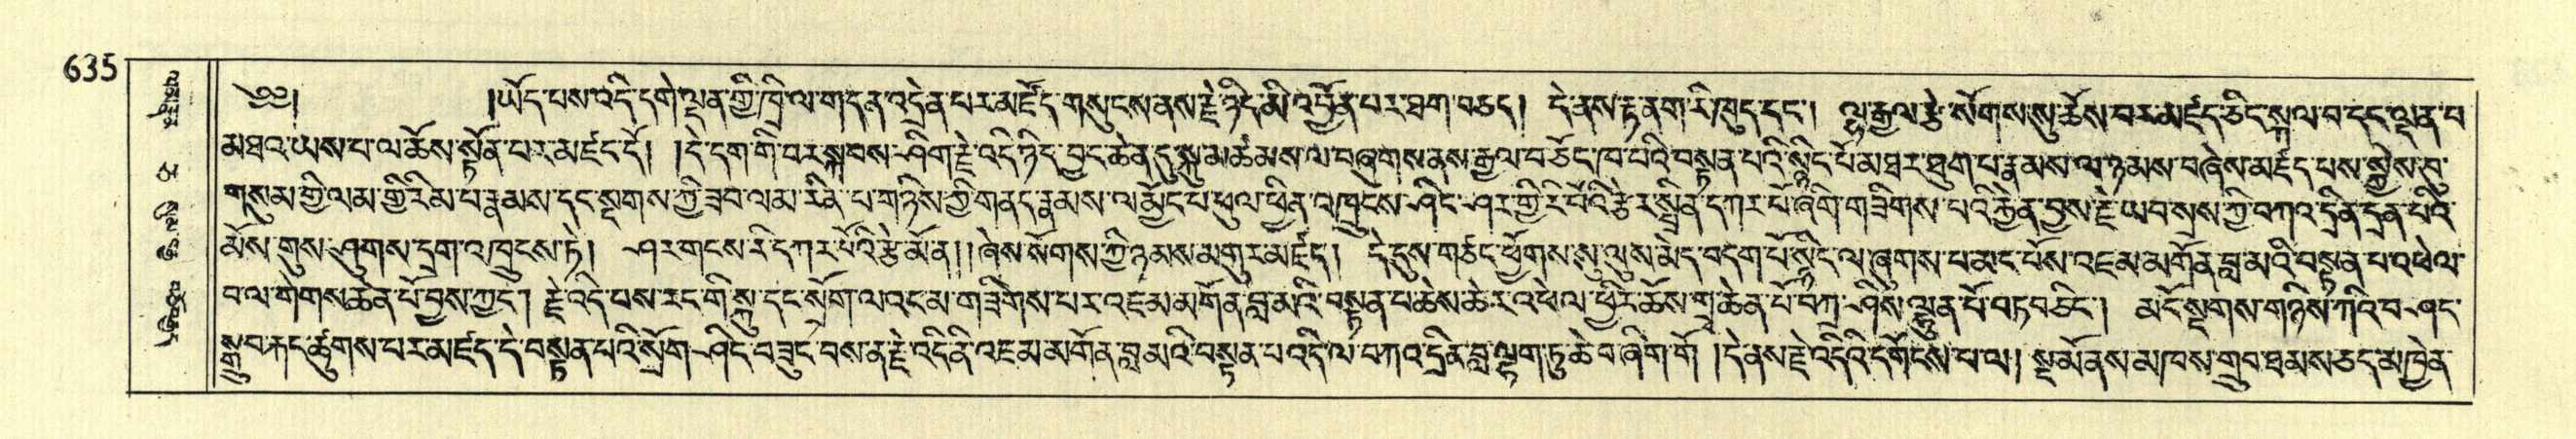༄༅། །ཡོད་པས་འདི་དགེ་ལྡན་གྱི་ཁྲི་ལ་གདན་འདྲེན་པར་མཛོད་གསུངས་ནས་རྗེ་ཉིད་མི་འབྱོན་པར་ཐག་བཅད། དེ་ནས་རྟ་ནག་རི་ཁུད་དང་། ལྷ་རྒྱལ་རྩེ་སོགས་སུ་ཆོས་བར་མཛད་ཅིང་སྐལ་བ་དང་ལྡན་པ་
མཐའ་ཡས་པ་ལ་ཆོས་སྟོན་པར་མཛད་དོ། །དེ་དག་གི་བར་སྐབས་ཤིག་རྗེ་འདི་ཉིད་བྱང་ཆེན་དུ་སྐུ་མཚམས་ལ་བཞུགས་ནས་རྒྱལ་བ་ཙོང་ཁ་པའི་བསྟན་པའི་སྙིང་པོ་མཐར་ཐུག་པ་རྣམས་ལ་ཉམས་བཞེས་མཛད་པས་སྐྱེས་བུ་
གསུམ་གྱི་ལམ་གྱི་རིམ་པ་རྣམས་དང་སྔགས་ཀྱི་ཟབ་ལམ་རིན་པ་གཉིས་ཀྱི་གནད་རྣམས་ལ་མྱོང་པ་ཕུལ་ཕྱིན་འཁྲུངས་ཤིང་ཤར་གྱི་རི་བོའི་རྩེར་སྤྲིན་དཀར་པོ་ཞིག་གཟིགས་པའི་རྐྱེན་བྱས་རྗེ་ཡབ་སྲས་ཀྱི་བཀའ་དྲིན་དྲན་པའི་
མོས་གུས་ཤུགས་དྲག་འཁྲུངས་ཏེ། ཤར་གངས་རི་དཀར་པོའི་རྩེ་མོ་ན། །ཞེས་སོགས་ཀྱི་ཉམས་མགུར་མཛད། དེ་དུས་གཙང་ཕྱོགས་སུ་ལུས་མེད་བདག་པོ་སྙིང་ལ་ཞུགས་པ་མང་པོས་འཇམ་མགོན་བླ་མའི་བསྟན་པ་འཕེལ་
བ་ལ་གེགས་ཆེན་པོ་བྱས་ཀྱང་། རྗེ་འདི་པས་རང་གི་སྐུ་དང་སྲོག་ལའང་མ་གཟིགས་པར་འཇམ་མགོན་བླ་མའི་བསྟན་པ་ཆེས་ཆེར་འཕེལ་ཕྱིར་ཆོས་གྲྭ་ཆེན་པོ་བཀྲ་ཤིས་ལྷུན་པོ་བཏབ་ཅིང་། མདོ་སྔགས་གཉིས་ཀའི་བཤད་
སྒྲུབ་རྐང་ཚུགས་པར་མཛད་དེ་བསྟན་པའི་སྲོག་ཤིང་བཟུང་བས་ན་རྗེ་འདི་ནི་འཇམ་མགོན་བླ་མའི་བསྟན་པ་འདི་ལ་བཀའ་དྲིན་བླ་ལྷག་ཏུ་ཆེ་བ་ཞིག་གོ །དེ་ནས་རྗེ་འདིའི་དགོངས་པ་ལ། སྔ་མོ་ནས་མཁས་གྲུབ་ཐམས་ཅད་མཁྱེན་